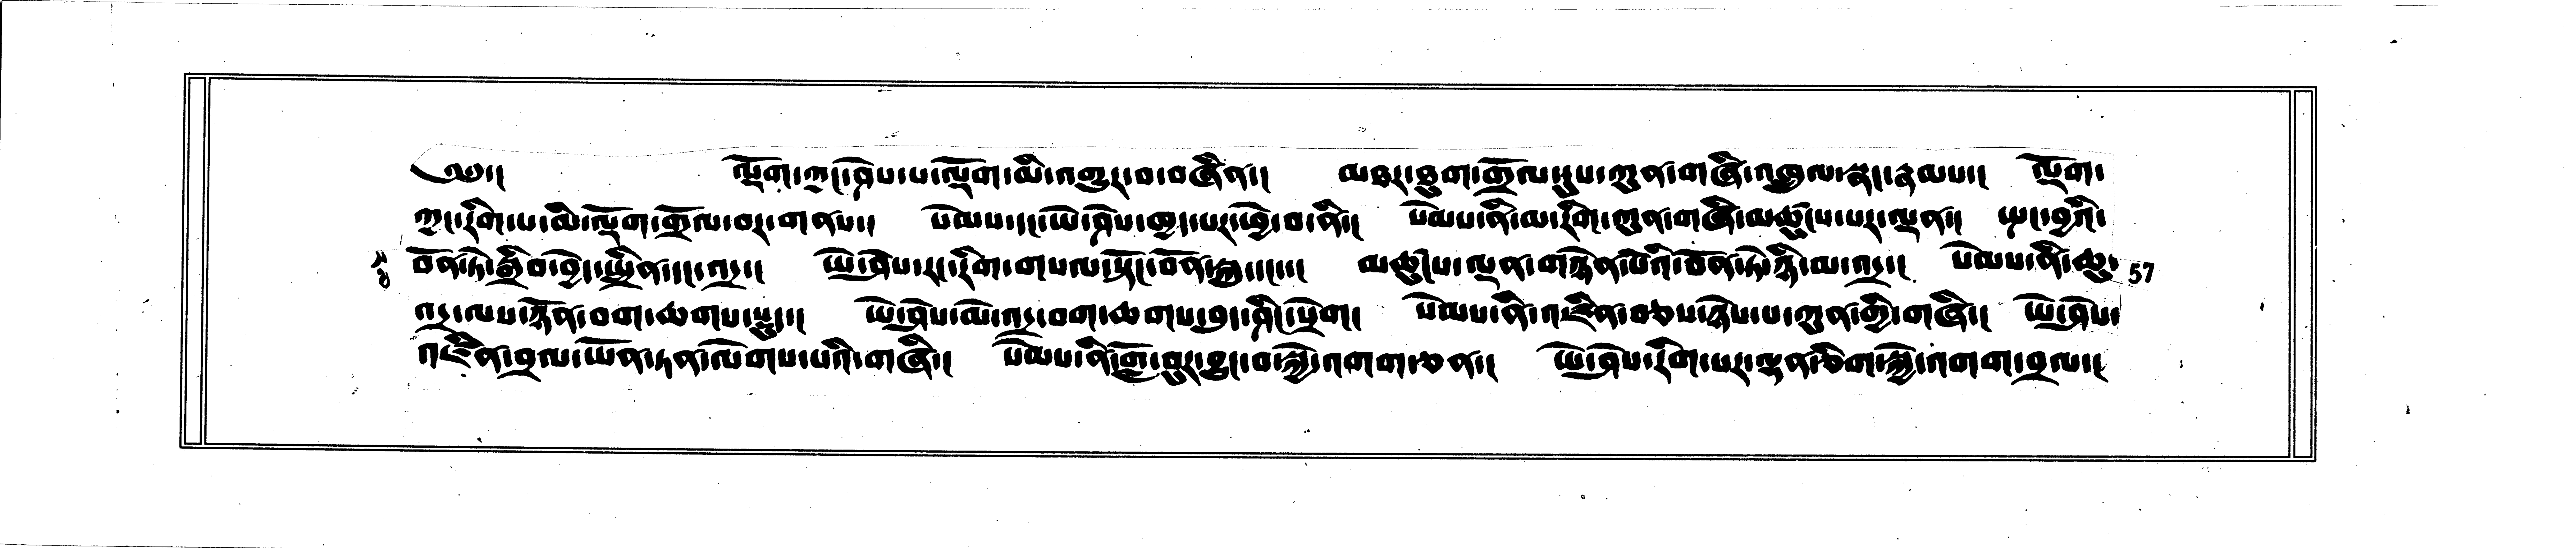ལྡོག་ཀྱང་ཤེས་པ་ལྡོག་མི་འགྱུར་བ་བཞིན། །མཐར་ཐུག་གྲོལ་དུས་ཀུན་གཞི་འཁྲུལ་སྣང་རྣམས། །ལྡོག་
ཀྱང་རིག་པ་མི་ལྡོག་གྲོལ་བར་གནས། །སེམས་དང་ཡེ་ཤེས་ཁྱད་པར་ཕྱེ་བ་ནི། །སེམས་ནི་མ་རིག་ཀུན་གཞི་མཚུངས་པར་ལྡན། །སྤང་བྱའི་
བོན་ཏེ་སྒྲིབ་བྱེད་སྤྲིན་དང་འདྲ། །ཡེ་ཤེས་རང་རིག་གསལ་སྟོང་བོན་སྐུ་དང་། མཚུངས་ལྡན་གཉེན་པོའི་བོན་ཏེ་ཉི་མ་འདྲ། །སེམས་ནི་ཆུ་
འདྲ་ལས་ཉོན་བག་ཆགས་སྡུད། །ཡེ་ཤེས་མེ་འདྲ་བག་ཆགས་འབུད་ཤིང་སྲེག །སེམས་ནི་འཛིན་བཅས་ཉེས་པ་ཀུན་གྱི་གཞི། །ཡེ་ཤེས་
འཛིན་བྲལ་ཡོན་ཏན་ལེགས་པའི་གཞི། །སེམས་ནི་གློ་བུར་བྱུང་བ་སྐྱེ་འགག་ཅན། །ཡེ་ཤེས་རིག་པར་ལྷན་ཅིག་སྐྱེ་འགག་བྲལ། །